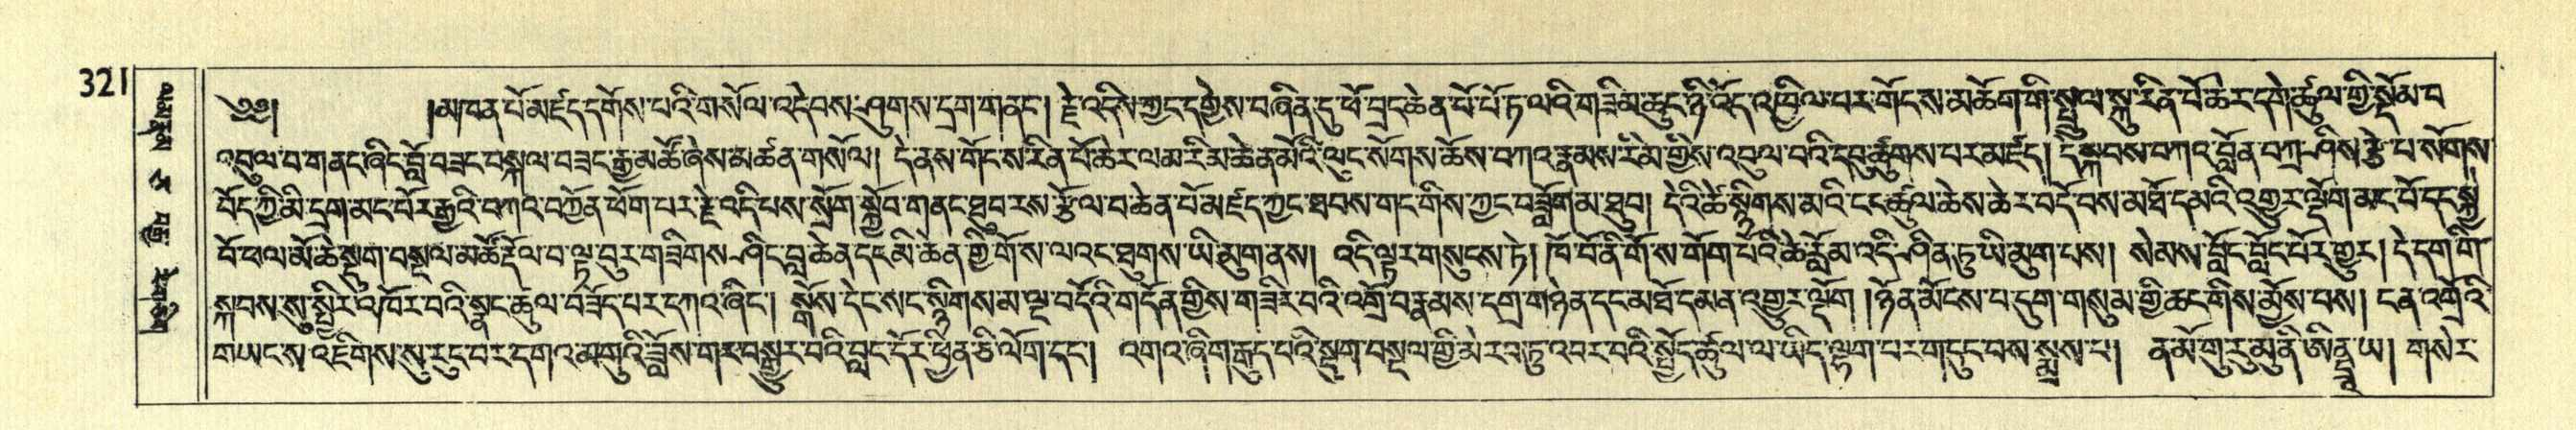༄༅། །མཁན་པོ་མཛད་དགོས་པའི་གསོལ་འདེབས་ཤུགས་དྲག་གནང་། རྗེ་འདིས་ཀྱང་དགྱེས་བཞིན་དུ་ཕོ་བྲང་ཆེན་པོ་པོ་ཏ་ལའི་གཟིམ་ཆུང་ཉི་འོད་འཁྱིལ་བར་གོངས་མཆོག་གི་སྤྲུལ་སྐུ་རིན་པོ་ཆེར་དགེ་ཚུལ་གྱི་སྡོམ་བ་
འབུལ་བ་གནང་ཞིང་བློ་བཟང་བསྐལ་བཟང་རྒྱ་མཚོ་ཞེས་མཚན་གསོལ། དེ་ནས་གོང་ས་རིན་པོ་ཆེར་ལམ་རིམ་ཆེན་མོའི་ལུང་སོགས་ཆོས་བཀའ་རྣམས་རིམ་གྱིས་འབུལ་བའི་དབུ་ཚུགས་པར་མཛད། དེ་སྐབས་བཀའ་བློན་བཀྲ་ཤིས་རྩེ་པ་སོགས་
བོད་ཀྱི་མི་དྲག་མང་པོར་རྒྱའི་བཀའ་བཀྱོན་ཕོག་པར་རྗེ་འདི་པས་སྲོག་སྐྱོབ་གནང་ཐུབ་རས་རྩོལ་བ་ཆེན་པོ་མཛད་ཀྱང་ཐབས་གང་གིས་ཀྱང་བཟློག་མ་ཐུབ། དེའི་ཚེ་སྙིགས་མའི་ངང་ཚུལ་ཆེས་ཆེར་བདོ་བས་མཐོ་དམའི་འགྱུར་ལྡོག་མང་པོ་དང་སྐྱེ་
བོ་ཕལ་མོ་ཆེ་སྡུག་བསྔལ་མཚོ་རྡོལ་བ་ལྟ་བུར་གཟིགས་ཤིང་བླ་ཆེན་དང་མི་ཆེན་གྱི་གོ་ས་ལའང་ཐུགས་ཡི་མུག་ནས། འདི་ལྟར་གསུངས་ཏེ། ཁོ་བོ་ནི་གོ་ས་གོག་པོའི་ཆེ་རློམ་འདི་ཤིན་ཏུ་ཡི་མུག་པས། སེམས་བློང་བློང་པོར་གྱུར། དེ་དག་གི་
སྐབས་སུ་སྤྱིར་འཁོར་བའི་སྣང་ཚུལ་བཟོད་པར་དཀའ་ཞིང་། སོགས་དེང་སང་སྙིགས་མ་ལྔ་བདོའི་གདོན་གྱིས་གཟིར་བའི་འགྲོ་བ་རྣམས་དགྲ་གཉེན་དང་མཐོ་དམན་འགྱུར་ལྡོག །ཉོན་མོངས་པ་དུག་གསུམ་གྱི་ཆད་གྱིས་མྱོས་པས། ངན་འགྲོའི་
གཡང་ས་འཇིགས་སུ་རུང་བར་དགའ་མགུའི་ཟློས་གར་བསྒྱུར་བའི་བླང་དོར་ཕྱིན་ཅི་ལོག་དང་། འགའ་ཞིག་རྒུད་པའི་སྡུག་བསྔལ་གྱི་མེ་རབ་ཏུ་འབར་བའི་སྤྱོད་ཚུལ་ལ་ཡིད་ལྷག་པར་གདུང་བས་སྨྲས་པ། ན་མོ་གུ་རུ་མུ་ནི་ཨིནྡྲཱ་ཡ། གསེར་